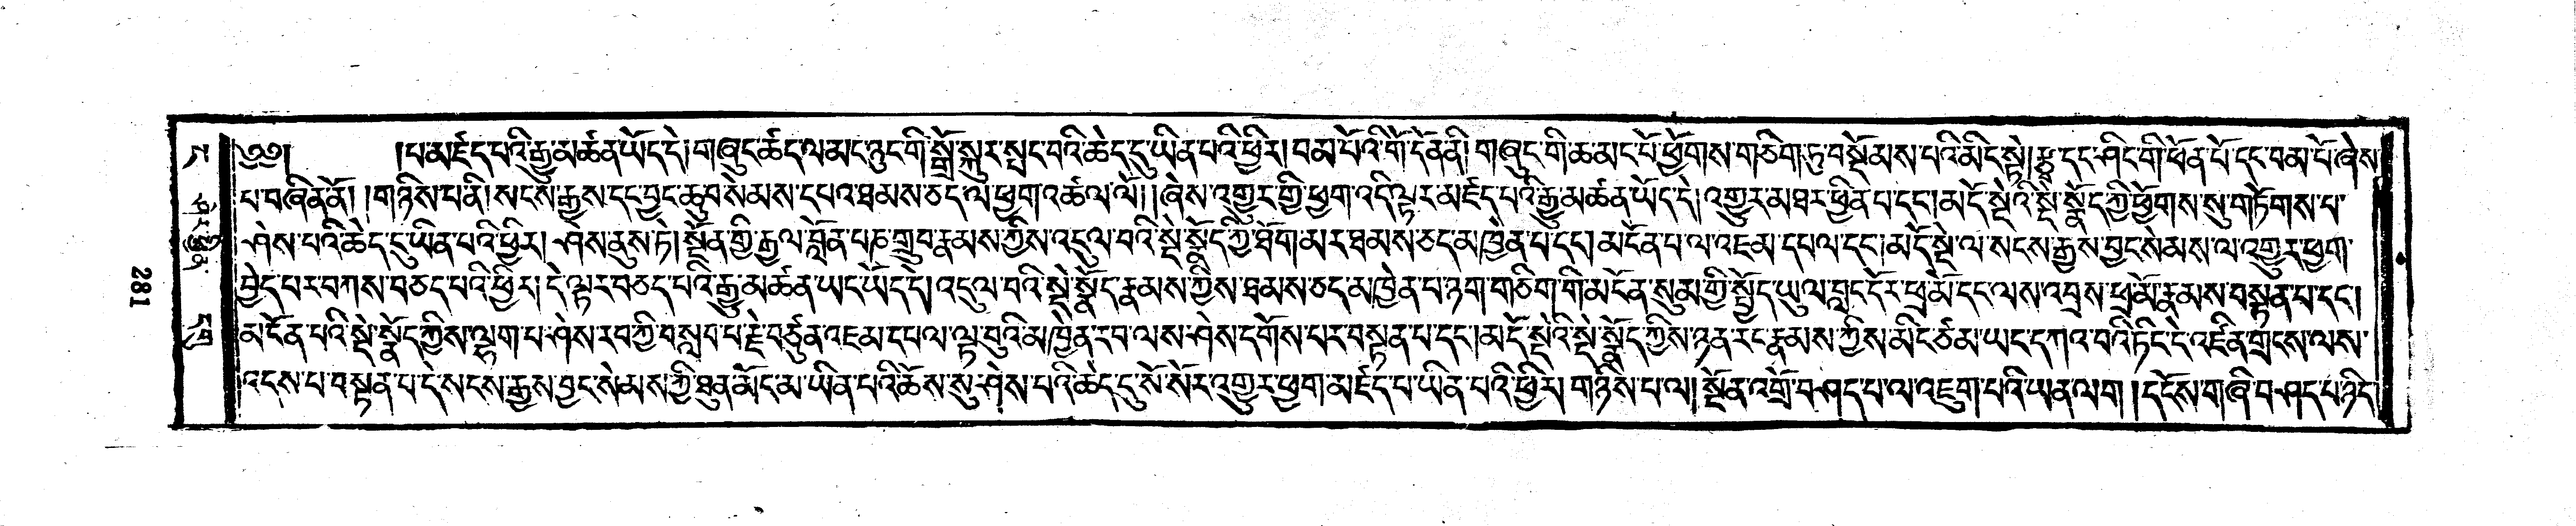༄༅། །པ་མཛད་པའི་རྒྱུ་མཚན་ཡོད་དེ། གཞུང་ཚང་ལ་མང་ཉུང་གི་སྒྲོ་སྐུར་སྤང་བའི་ཆེད་དུ་ཡིན་པའི་ཕྱིར། བམ་པོའི་གོ་དོན་ནི། གཞུང་གི་ཆ་མང་པོ་ཕྱོགས་གཅིག་ཏུ་བསྡོམས་པའི་མིང་སྟེ། རྩ་དང་ཤིང་གི་ཕོན་པོ་དང་བམ་པོ་ཞེས་
པ་བཞིན་ནོ། །གཉིས་པ་ནི། སངས་རྒྱས་དང་བྱང་ཆུབ་སེམས་དཔའ་ཐམས་ཅད་ལ་ཕྱག་འཚལ་ལོ། །ཞེས་འགྱུར་གྱི་ཕྱག་འདི་ལྟར་མཛད་པའི་རྒྱུ་མཚན་ཡོད་དེ། འགྱུར་མཐར་ཕྱིན་པ་དང་། མདོ་སྡེའི་སྡེ་སྣོད་ཀྱི་ཕྱོགས་སུ་གཏོགས་པ་
ཤེས་པའི་ཆེད་དུ་ཡིན་པའི་ཕྱིར། ཤེས་ནུས་ཏེ། སྔོན་གྱི་རྒྱལ་བློན་པཎ་གྲུབ་རྣམས་ཀྱིས་འདུལ་བའི་སྡེ་སྣོད་ཀྱི་ཐོག་མར་ཐམས་ཅད་མཁྱེན་པ་དང་། མངོན་པ་ལ་འཇམ་དཔལ་དང་། མདོ་སྡེ་ལ་སངས་རྒྱས་བྱང་སེམས་ལ་འགྱུར་ཕྱག་
བྱེད་པར་བཀས་བཅད་པའི་ཕྱིར། དེ་ལྟར་བཅད་པའི་རྒྱུ་མཚན་ཡང་ཡོད་དེ། འདུལ་བའི་སྡེ་སྣོད་རྣམས་ཀྱིས་ཐམས་ཅད་མཁྱེན་པ་ཉག་གཅིག་གི་མངོན་སུམ་གྱི་སྤྱོད་ཡུལ་བླང་དོར་ཕྲ་མོ་དང་ལས་འབྲས་ཕྲ་མོ་རྣམས་བསྟན་པ་དང་།
མངོན་པའི་སྡེ་སྣོད་ཀྱིས་ལྷག་པ་ཤེས་རབ་ཀྱི་བསླབ་པ་རྗེ་བཙུན་འཇམ་དཔལ་ལྟ་བུའི་མཁྱེན་རབ་ལས་ཤེས་དགོས་པར་བསྟན་པ་དང་། མདོ་སྡེའི་སྡེ་སྣོད་ཀྱིས་ཉན་རང་རྣམས་ཀྱིས་མིང་ཙམ་ཡང་དཀའ་བའི་ཏིང་ངེ་འཛིན་གྲངས་ལས་
འདས་པ་བསྟན་པ་དེ་སངས་རྒྱས་བྱང་སེམས་ཀྱི་ཐུན་མོང་མ་ཡིན་པའི་ཆོས་སུ་ཤེས་པའི་ཆེད་དུ་སོ་སོར་འགྱུར་ཕྱག་མཛད་པ་ཡིན་པའི་ཕྱིར། གཉིས་པ་ལ། སྔོན་འགྲོ་བཤད་པ་ལ་འཇུག་པའི་ཡན་ལག །དངོས་གཞི་བཤད་པ་ཉིད་